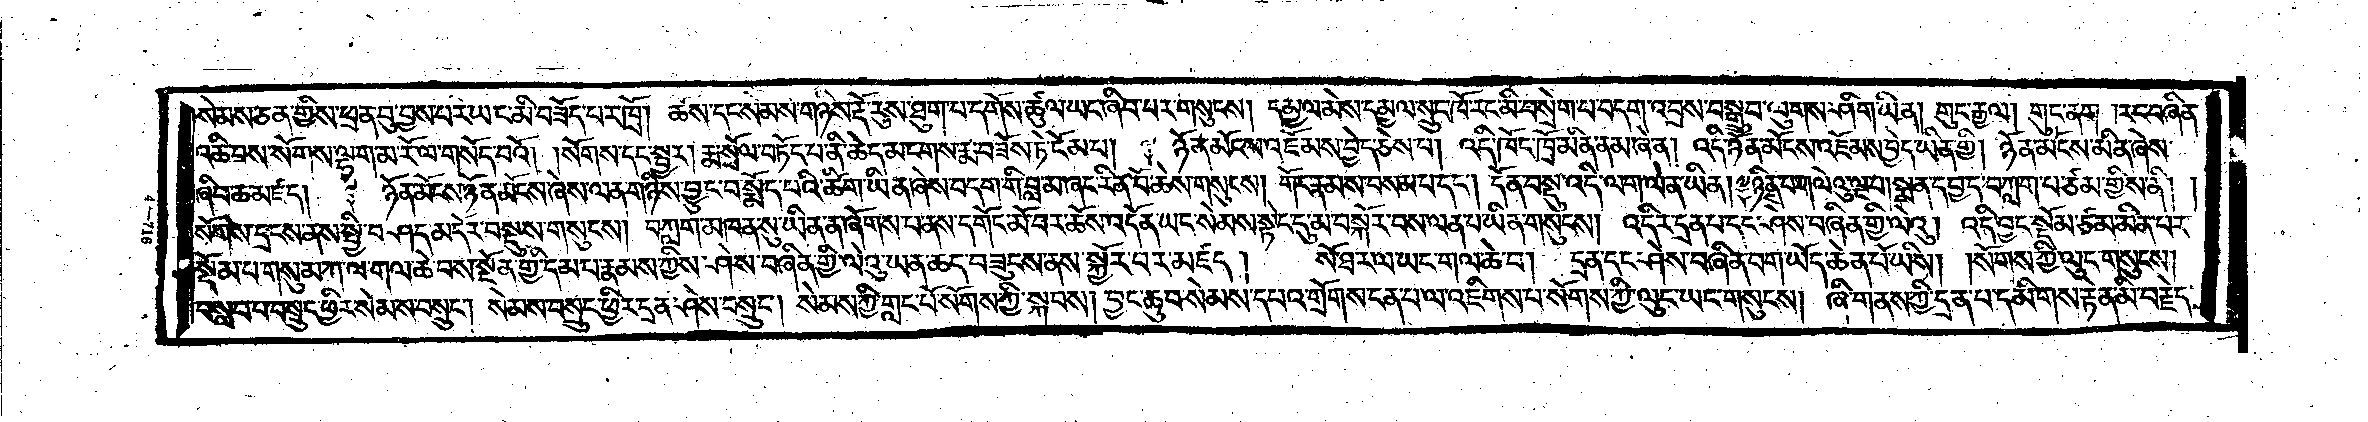སེམས་ཅན་གྱིས་ཕྲན་བུ་བྱས་པར་ཡང་མི་བཟོད་པར་ཁྲོ། ཚས?་དང་སེམས་གཉིས་རྡོ་རུས་ཐུག་པ་དགོས་ཚུལ་ཡང་ཞིབ་པར་གསུངས། དམྱལ་མེས་དམྱལ་སྲུང་ཁོ་རང་མི་བསྲེག་པ་བདག་འབྲས་བསྒྲུབ་ལུགས་ཤིག་ཡིན། གུང་རྒྱལ། གུང་ནག །རང་བཞིན་
འཆི་བས་སོགས་ལྷག་མ་རོ་ལ་གསོད་བའོ། །སོགས་དང་སྦྱར། མྲ་སྲོལ་བཏོད་པ་ནི་ཆེད་མངགས་རྨ་བཟོས་ཏེ་ངོམ་པ། ༈ ཉོན་མོངས་འཇོམས་བྱེད་ཅེས་པ། འདི་ཁོང་ཁྲོ་མིན་ནམ་ཞེ་ན། འདི་ཉོན་མོངས་འཇོམས་བྱེད་ཡིན་གྱི། ཉོན་མོངས་མིན་ཞེས་
ཞིབ་ཆ་མཛད། ༈ ཉོན་མོངས་ཉོན་མོངས་ཞེས་ལན་གཉིས་བྱུང་བ་སྨོད་པའི་ཚིག་ཡིན་ཞེས་བདག་གི་བླ་མ་ཞང་རིན་པོ་ཆེས་གསུངས། གོང་རྣམས་བསམ་པ་དང་། དོན་བསྡུ་འདི་ལག་ལེན་ཡིན། ༈ ཉིན་བག་ལེའུ་ལྔ་བ། སྨན་དབྱད་བཀླག་པ་ཙམ་གྱིས་ནི། །
སོགས་དྲངས་ནས་སྤྱི་བཤད་མདོར་བསྡུས་གསུངས། བཀླག་མཁན་སུ་ཡིན་ན་ཞོགས་པ་ནས་དགོང་མོ་བར་ཆོས་འདོན་ཡང་སེམས་སྟེང་དུ་མ་བསྐོར་བས་ལན་པ་ཡིན་གསུངས། འདིར་དྲན་པ་དང་ཤེས་བཞིན་གྱི་ལེའུ། འདི་བྱང་སྡོམ་ཙམ་མིན་པར་
སྡོམ་པ་གསུམ་ཀ་ལ་གལ་ཆེ་བས་སྔོན་གྱི་དམ་པ་རྣམས་ཀྱིས་ཤེས་བཞིན་གྱི་ལེའུ་ཡན་ཆད་བཟུངས་ནས་སྐྱོར་བར་མཛད། སོ་ཐར་ལ་ཡང་གལ་ཆེ་བ། དྲན་དང་ཤེས་བཞིན་བག་ཡོད་ཆེན་པོ་ཡིས། །སོགས་ཀྱི་ལུང་གསུངས།
བསླབ་པ་བསྲུང་ཕྱིར་སེམས་བསྲུང་། སེམས་བསྲུང་ཕྱིར་དྲན་ཤེས་བསྲུང་། སེམས་ཀྱི་གླང་པོ་སོགས་ཀྱི་སྐབས། བྱང་ཆུབ་སེམས་དཔའ་གྲོགས་ངན་པ་ལ་འཇིགས་པ་སོགས་ཀྱི་ལུང་ཡང་གསུངས། ཞི་གནས་ཀྱི་དྲན་པ་དམིགས་རྟན་མི་བརྗེད་